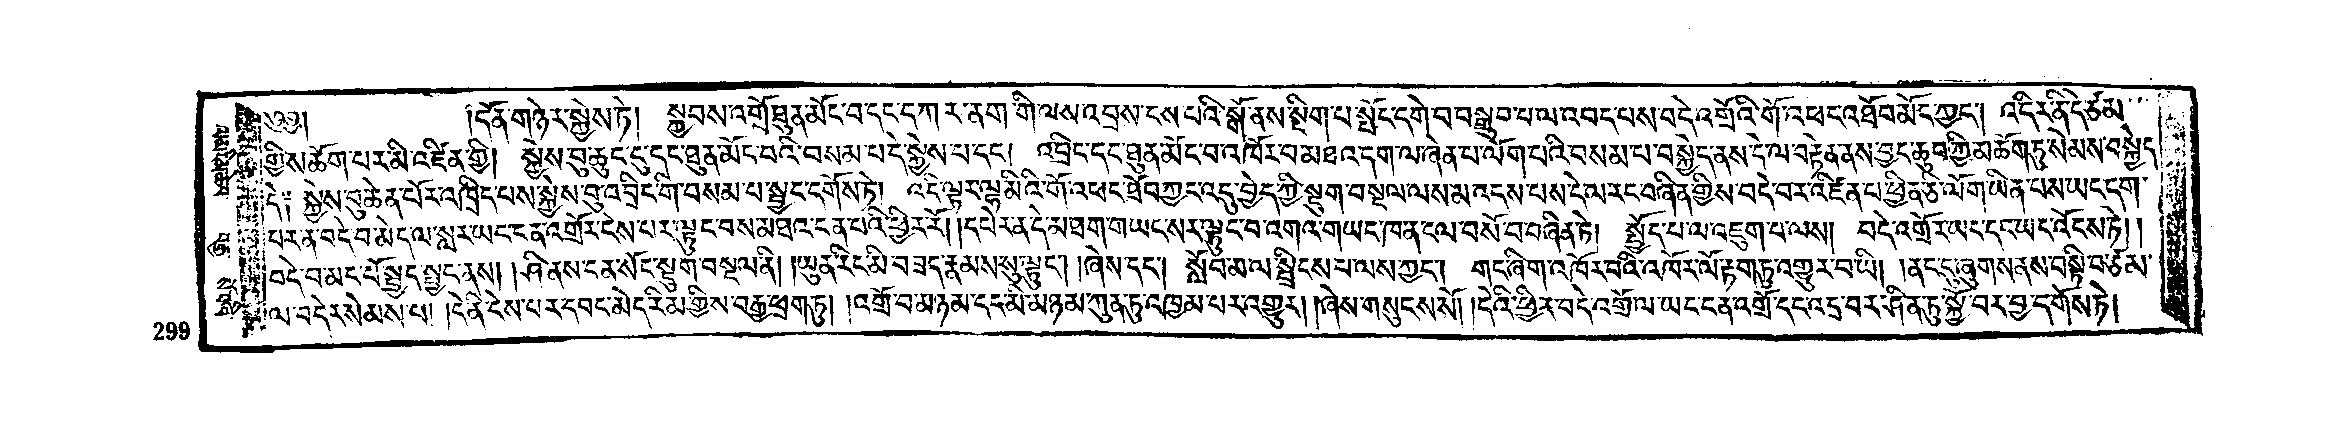༄༅། །དོན་གཉེར་སྐྱེས་ཏེ། སྐྱབས་འགྲོ་ཐུན་མོང་བ་དང་དཀར་ནག་གི་ལས་འབྲས་ངེས་པའི་སྒོ་ནས་སྡིག་པ་སྤོང་དགེ་བ་བསྒྲུབ་པ་ལ་འབད་པས་བདེ་འགྲོའི་གོ་འཕང་འཐོབ་མོད་ཀྱང་། འདིར་ནི་དེ་ཙམ་
གྱིས་ཆོག་པར་མི་འཛིན་གྱི། སྐྱེས་བུ་ཆུང་ངུ་དང་ཐུན་མོང་བའི་བསམ་པ་དེ་སྐྱེས་པ་དང་། འབྲིང་དང་ཐུན་མོང་བ་འཁོར་བ་མཐའ་དག་ལ་ཞེན་པ་ལོག་པའི་བསམ་པ་བསྐྱེད་ནས་དེ་ལ་བརྟེན་ནས་བྱང་ཆུབ་ཀྱི་མཆོག་ཏུ་སེམས་བསྐྱེད་
དེ༑ སྐྱེས་བུ་ཆེན་པོར་འཁྲིད་པས་སྐྱེས་བུ་འབྲིང་གི་བསམ་པ་སྦྱང་དགོས་ཏེ། འདི་ལྟར་ལྷ་མིའི་གོ་འཕང་ཐོབ་ཀྱང་འདུ་བྱེད་ཀྱི་སྡུག་བསྔལ་ལས་མ་འདས་པས་དེ་ལ་རང་བཞིན་གྱིས་བདེ་བར་འཛིན་པ་ཕྱིན་ཅི་ལོག་ཡིན་པས་ཡང་དག་
པར་ན་བདེ་བ་མེད་ལ་སླར་ཡང་ངན་འགྲོར་ངེས་པར་ལྟུང་བས་མཐའ་ངན་པའི་ཕྱིར་རོ། །དཔེར་ན་དེ་མ་ཐག་གཡང་སར་ལྟུང་བ་འགའ་གཡང་ཁ་ན་ངལ་བསོ་བ་བཞིན་ཏེ། སྤྱོད་པ་ལ་འཇུག་པ་ལས། བདེ་འགྲོར་ཡང་དང་ཡང་འོངས་ཏེ། །
བདེ་བ་མང་པོ་སྤྱད་སྤྱད་ནས། །ཤི་ནས་ངན་སོང་སྡུག་བསྔལ་ནི། །ཡུན་རིང་མི་བཟད་རྣམས་སུ་ལྟུང་། །ཞེས་དང་། སློབ་མ་ལ་སྤྲིངས་པ་ལས་ཀྱང་། གང་ཞིག་འཁོར་བའི་འཁོར་ལོ་རྟག་ཏུ་འགྱུར་བ་ཡི། །ནང་དུ་ཞུགས་ནས་བསྟི་བ་ཙམ་
ལ་བདེར་སེམས་པ། །དེ་ནི་ངེས་པར་དབང་མེད་རིམ་གྱིས་བརྒྱ་ཕྲག་ཏུ། །འགྲོ་བ་མཉམ་དང་མི་མཉམ་ཀུན་ཏུ་འཁྱམ་བར་འགྱུར། །ཞེས་གསུངས་སོ། །དེའི་ཕྱིར་བདེ་འགྲོ་ལ་ཡང་ངན་འགྲོ་དང་འདྲ་བར་ཤིན་ཏུ་སྐྱོ་བར་བྱ་དགོས་ཏེ།